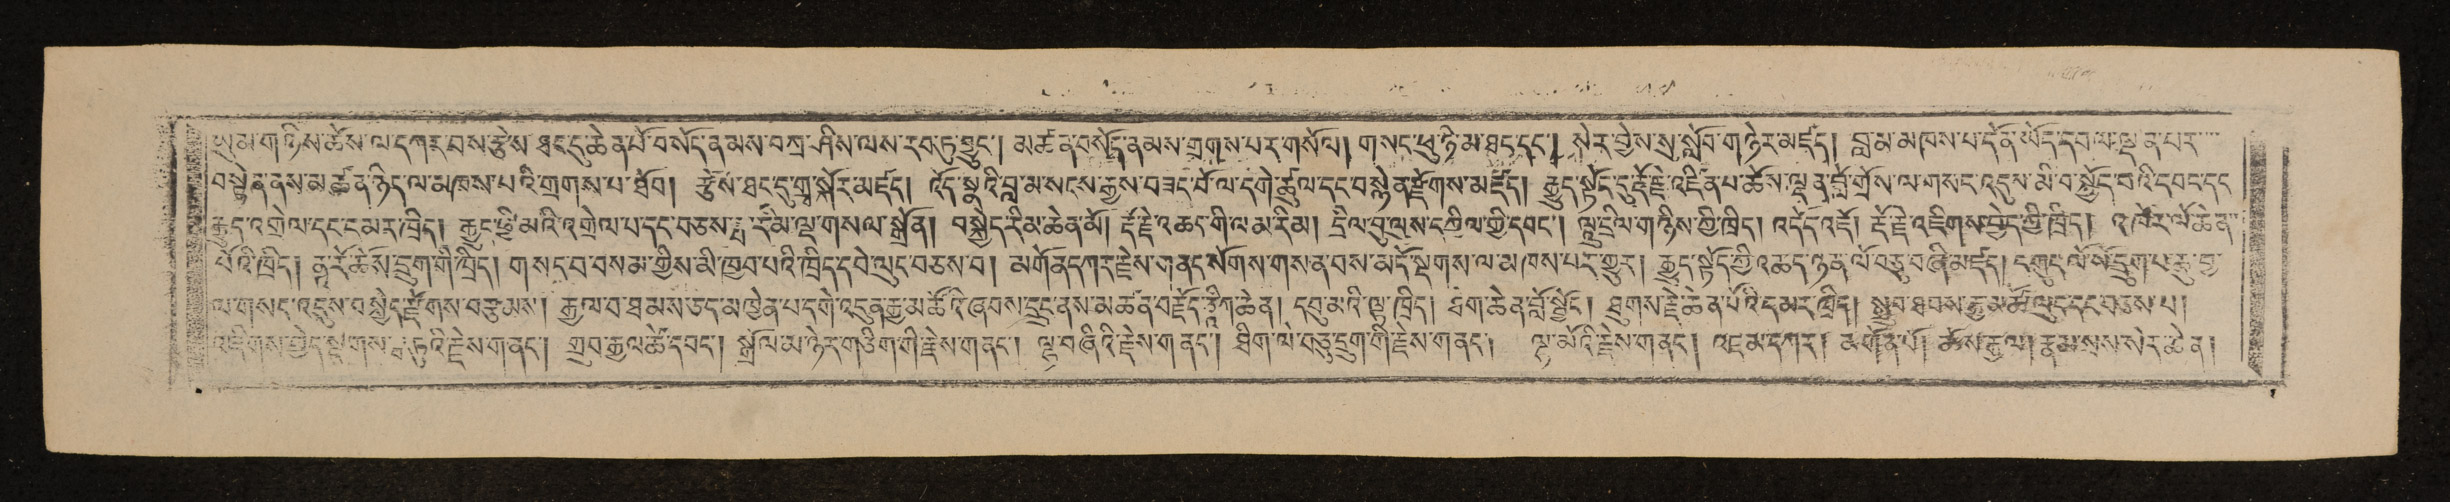ཡུམ་གཉིས་ཆོས་ལ་དཀར་བས་རྩེས་ཐང་དུ་ཆེན་པོ་བསོད་ནམས་བཀྲ་ཤིས་ལས་རབ་ཏུ་བྱུང་། མཚན་བསོད་ནམས་གྲགས་པར་གསོལ། གསང་ཕུ་ཉི་མ་ཐང་དང་། སེར་བྱེས་སུ་སློབ་གཉེར་མཛད། བླ་མ་མཁས་པ་དོན་ཡོད་དཔལ་ལྡན་པར་
བསྟེན་ནས་མཚན་ཉིད་ལ་མཁས་པའི་གྲགས་པ་ཐོབ། རྩེས་ཐང་དུ་གྲྭ་སྐོར་མཛད། འོད་སྣའི་བླ་མ་སངས་རྒྱས་བཟང་པོ་ལ་དགེ་ཚུལ་དང་བསྙེན་རྫོགས་མཛད། རྒྱུད་སྟོད་དུ་རྡོ་རྗེ་འཛིན་པ་ཆོས་ལྡན་བློ་གྲོས་ལ་གསང་འདུས་མི་བསྐྱོད་པའི་དབང་དང་
རྒྱུད་འགྲེལ་དང་དམར་ཁྲིད། རྒྱུད་ཕྱི་མའི་འགྲེལ་བ་དང་བཅས་པ་རིམ་ལྔ་གསལ་སྒྲོན། བསྐྱེད་རིམ་ཆེན་མོ། རྡོ་རྗེ་ཆང་གི་ལམ་རིམ། དྲིལ་བུ་ལུས་དཀྱིལ་གྱི་དབང་། ལཱུ་དིལ་གཉིས་ཀྱི་ཁྲིད། འདོད་འཇོ། རྡོ་རྗེ་འཇིགས་བྱེད་ཀྱི་ཁྲིད། འཁོར་ལོ་ཆེན་
པའི་ཁྲིད། ནཱ་རོ་ཆོས་དྲུག་གི་ཁྲིད། གསང་བ་བསམ་གྱིས་མི་ཁྱབ་པའི་ཁྲིད་དཔེ་ལུང་བཅས་པ། མགོན་དཀར་རྗེས་གནང་སོགས་གསན་པས་མདོ་སྔགས་ལ་མཁས་པར་གྱུར། རྒྱུད་སྟོད་ཀྱི་འཆད་ཉན་ལོ་བཅུ་བཞི་མཛད། དགུང་ལོ་སོ་དྲུག་པ་ཆུ་བྱ་
ལ་གསང་འདུས་བསྐྱེད་རྫོགས་བརྩམས། རྒྱལ་བ་ཐམས་ཅད་མཁྱེན་པ་དགེ་འདུན་རྒྱ་མཚོའི་ཞབས་དྲུང་ནས་མཚན་བརྗོད་ཊཱིཀ་ཆེན། དབུ་མའི་ལྟ་ཁྲིད། ཐེག་ཆེན་བློ་སྦྱོང་། ཐུགས་རྗེ་ཆེན་པོའི་དམར་ཁྲིད། སྒྲུབ་ཐབས་རྒྱ་མཚོ་ལུང་དང་བཅས་པ།
འཇིགས་བྱེད་སྔགས་བཏུའི་རྗེས་གནང་། གྲུབ་རྒྱལ་ཚེ་དབང་། སྒྲོལ་མ་ཉེར་གཅིག་གི་རྗེས་གནང་། ལྷ་བཞིའི་རྗེས་གནང་། ཐིག་ལེ་བཅུ་དྲུག་གི་རྗེས་གནང་། ལྷ་མོའི་རྗེས་གནང་། འཇམ་དཀར། མགོན་པོ། ཆོས་རྒྱལ། རྣམ་སྲས་སེར་ཆེན།